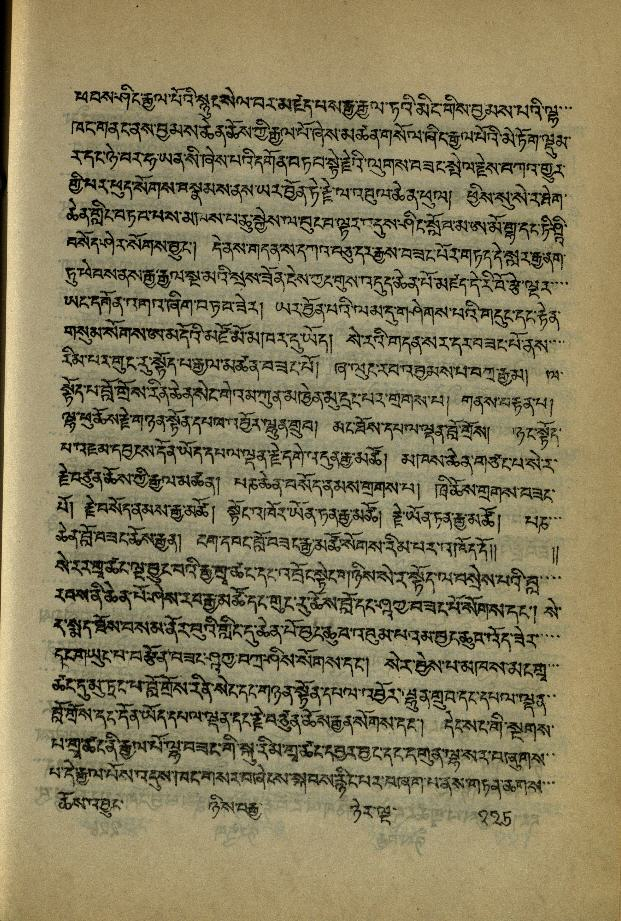ཕབས་ཤིང་རྒྱལ་པོའི་སྙུང་སེལ་བར་མཛད་པས་རྒྱ་རྒྱལ་ཏའི་མིང་གིས་བྱམས་པའི་ལྷ་
ཁང་གནང་ནས་བྱམས་ཆེན་ཆོས་ཀྱི་རྒྱལ་པོ་ཞེས་མཚན་གསོལ་ཞིང་རྒྱལ་པོའི་མེ་ཏོག་ལྡུམ་
ར་དང་ཉེ་བར་ཧ་ཡན་སི་ཞེས་པའི་དགོན་བཏབ་སྟེ་རྗེའི་ལུགས་བཟང་སྤེལ་རྗེས་བཀའ་གྱུར་
གྱི་པར་ཕུད་སོགས་བསྣམས་ནས་ཡར་བྱོན་ཏེ་རྗེ་ལ་འབུལ་ཆེན་ཕུལ། ཕྱིས་སུ་སེ་ར་ཐེག་
ཆེན་གླིང་བཏབ་པས་མཁས་པ་ཆུ་སྐྱེས་ལ་བུང་བ་ལྟར་འདུས་ཤིང་སློབ་མ་ཨ་མོ་གྷ་དང་ཏིཤྲཱི་
བསོད་ཤེར་སོགས་བྱུང་། དེ་ནས་གདན་ས་དཀའ་བཅུ་དར་རྒྱས་བཟང་པོར་གཏད་དེ་སླར་རྒྱ་ནག་
ཏུ་ཕེབས་ནས་རྒྱ་རྒྱལ་སྔ་མའི་སྲས་ཟོན་ངེས་ཀྱང་གུས་འདུད་ཆེན་པོ་མཛད་དེ་རི་བོ་རྩེ་ལྔར་
ཡང་དགོན་འགའ་ཞིག་བཏབ་ཟེར། ཡར་བྱོན་པའི་ལམ་དུ་གཤེགས་པའི་གདུང་དང་རྟེན་
གསུམ་སོགས་ཨ་མདོའི་མཛོ་མོ་མཁར་དུ་ཡོད། སེ་རའི་གདན་སར་དར་བཟང་པོ་ནས་
རིམ་པར་གུང་རུ་སྟོད་པ་རྒྱལ་མཚན་བཟང་པོ། ཞ་ལུང་རབ་འབྱམས་པ་བཀྲ་རྒྱམ། ལ་
སྟོད་པ་བློ་གྲོས་རིན་ཆེན་སེང་གེའམ་ཀུན་མཁྱེན་མུ་དྲང་པར་གྲགས་པ། གནས་བརྟན་པ།
ལྷ་ཕུ་ཆོས་རྗེ་གཉན་སྟོན་དཔལ་འབྱོར་ལྷུན་གྲུབ། མང་ཐོས་དཔལ་ལྡན་བློ་གྲོས། ཉང་སྟོད་
པ་འཇམ་དབྱངས་དོན་ཡོད་དཔལ་ལྡན་རྗེ་དགེ་འདུན་རྒྱ་མཚོ། མཁས་ཆེན་གཙང་པ་སེ་ར་
རྗེ་བཙུན་ཆོས་ཀྱི་རྒྱལ་མཚན། པཎ་ཆེན་བསོད་ནམས་གྲགས་པ། ཁྲི་ཆོས་གྲགས་བཟང་
པོ། རྗེ་བསོད་ནམས་རྒྱ་མཚོ། སྟོང་འཁོར་ཡོན་ཏན་རྒྱ་མཚོ། རྗེ་ཡོན་ཏན་རྒྱ་མཚོ། པཎ་
ཆེན་བློ་བཟང་ཆོས་རྒྱན། ངག་དབང་བློ་བཟང་རྒྱ་མཚོ་སོགས་རིམ་པར་འཁོད་དོ།། །།
སེ་ར་ར་གྲྭ་ཚང་ལྔ་བྱུང་བའི་རྒྱ་གྲྭ་ཚང་དང་འབྲོང་སྟེང་གཉིས་སེ་ར་སྟོད་ལ་བསྲེས་པའི་བླ་
རབས་ནི་ཆེན་པོ་ཤེས་རབ་རྒྱ་མཚོ་དང་གུང་རུ་ཆོས་བློ་དང་ཤཱཀྱ་བཟང་པོ་སོགས་དང་། སེ་
ར་སྨད་ཐོས་བསམ་ནོར་བུའི་གླིང་དུ་ཆེན་པོ་བྱང་ཆུབ་འབུམ་པའམ་བྱང་ཆུབ་འོད་ཟེར་
དང་གཡུང་པ་བརྩོན་བཟང་ཤཱཀྱ་བཀྲ་ཤིས་སོགས་དང་། སེ་ར་བྱེས་པ་མཁས་མང་གྲྭ་
ཚང་དུ་མུ་ཏྲང་པ་བློ་གྲོས་རིན་སེང་དང་གཉན་སྟོན་དཔལ་འབྱོར་ལྷུན་གྲུབ་དང་དཔལ་ལྡན་
བློ་གྲོས་དང་དོན་ཡོད་དཔལ་ལྡན་དང་རྗེ་བཙུན་ཆོས་རྒྱན་སོགས་དང་། དེང་སང་གི་སྔགས་
པ་གྲྭ་ཚང་ནི་རྒྱལ་པོ་ལྷ་བཟང་གི་སྐུ་རིམ་གྲྭ་ཚང་དབྱར་བྱང་དང་དགུན་ལྷ་སར་བཞུགས་
པ་དེ་རྒྱལ་པོས་འདུས་ཁང་གསར་བཞེངས་སྐབས་རྙིང་པར་བཞག་པ་ནས་གཏན་ཆགས་